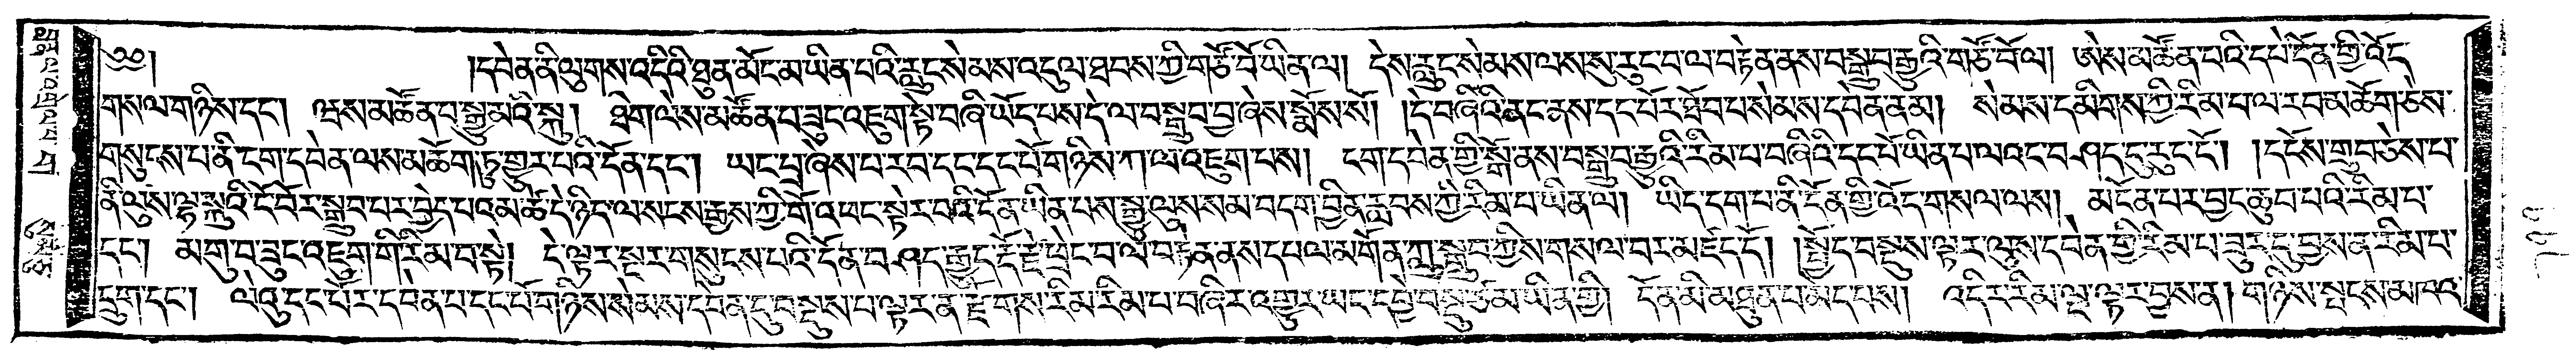༄༅། །དབེན་ནི་ལུགས་འདིའི་ཐུན་མོང་མ་ཡིན་པའི་རླུང་སེམས་འདུལ་ཐབས་ཀྱི་གཙོ་བོ་ཡིན་ལ། དེས་རླུང་སེམས་ལས་སུ་རུང་བ་ལ་བརྟེན་ནས་བསྒྲུབ་རྒྱུའི་གཙོ་བོ་ལ། ཨེས་མཚོན་བའི་དཔེ་དོན་གྱི་འོད་
གསལ་གཉིས་དང་། ཝས་མཚོན་བ་སྒྱུ་མའི་སྐུ། ཐིག་ལེས་མཚོན་བཟུང་འཇུག་སྟེ་བཞི་ཡོད་པས་དེ་ལ་བསྒྲུབ་བྱ་ཞེས་སྨོས་སོ། །དེ་བཞིའི་ནང་ནས་དང་པོར་ཐོབ་པ་སེམས་དབེན་ནམ། སེམས་དམིགས་ཀྱི་རིམ་བ་ལ་རབ་མཆོག་ཅེས་
གསུངས་པ་ནི་ངག་དབེན་ལས་མཆོག་ཏུ་གྱུར་བའི་དོན་དང་། ཡང་པྲ་ཞེས་བ་རབ་དང་དང་པོ་གཉིས་ཀ་ལ་འཇུག་པས། ངག་དབེན་གྱི་སྒོ་ནས་བསྒྲུབ་རྒྱུའི་རིམ་པ་བཞིའི་དང་པོ་ཡིན་པ་ལའང་བཤད་དུ་རུང་ངོ། །དངོས་གྲུབ་ཅེས་པ་
ནི་ལུས་ལྷ་སྐུའི་ངོ་བོར་སྒྲུབ་པར་བྱེད་པའམ་ཚེ་དེ་ཉིད་ལ་སངས་རྒྱས་ཀྱི་གོ་འཕང་སྟེར་བའི་དོན་ཡིན་པས་སྒྱུ་ལུས་སམ་བདག་བྱིན་རླབས་ཀྱི་རིམ་པ་ཡིན་ལ། ཡིད་དག་པ་ནི་དོན་གྱི་འོད་གསལ་ལས། མངོན་པར་བྱང་ཆུབ་བའི་རིམ་པ་
དང་། མགུ་བ་ཟུང་འཇུག་གི་རིམ་པ་སྟེ། དེ་ལྟར་སྔར་གསུངས་པའི་དོན་བཤད་རྒྱུད་རྡོ་རྗེ་ཕྲེང་བ་ལ་བརྟེན་ནས་དཔལ་མགོན་ཀླུ་སྒྲུབ་ཀྱིས་གསལ་བར་མཛད་དོ། །སྤྱོད་བསྡུས་ལྟར་ལུས་དབེན་གྱི་རིམ་པ་ཟུར་དུ་བྱས་ན་རིམ་པ་
དྲུག་དང་། ལེའུ་དང་པོར་དབེན་པ་དང་པོ་གཉིས་སེམས་དབེན་དུ་བསྡུས་པ་ལྟར་ན་རྫོགས་རིམ་རིམ་པ་བཞིར་འགྱུར་ཡང་དབྱེ་བསྡུ་ཙམ་ཡིན་གྱི། དོན་མི་མཐུན་བ་མེད་པས། འདིར་རིམ་ལྔ་ལྟར་བྱས་ན། གཉིས་སྤངས་མཁའ་